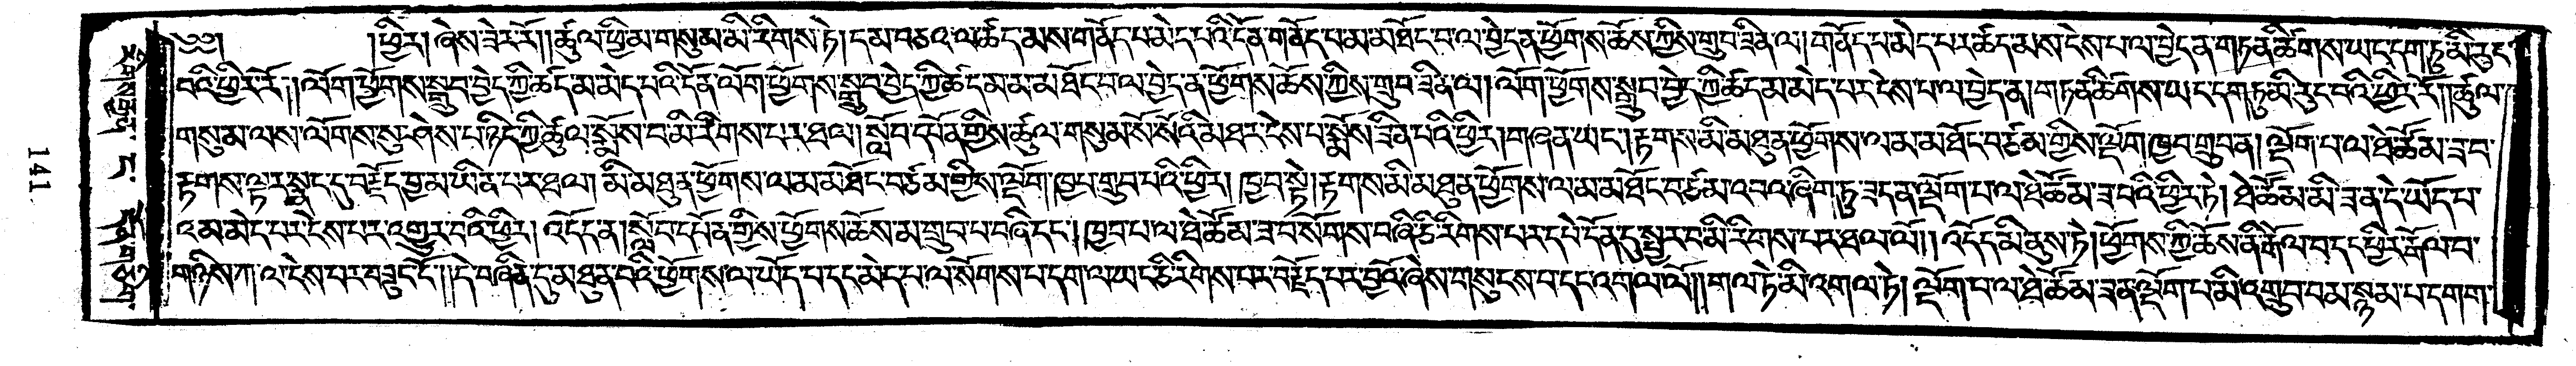༄༅། །ཕྱིར། ཞེས་ཟེར་རོ། །ཚུལ་ཕྱི་མ་གསུམ་མི་རིགས་ཏེ། དམ་བཅའ་ལ་ཚད་མས་གནོད་པ་མེད་པའི་དོན་གནོད་པ་མ་མཐོང་བ་ལ་བྱེད་ན་ཕྱོགས་ཆོས་ཀྱིས་གྲུབ་ཟིན་ལ། གནོད་པ་མེད་པར་ཚད་མས་ངེས་པ་ལ་བྱེད་ན་གཏན་ཚིགས་ཡང་དག་ཏུ་མི་རུང་
བའི་ཕྱིར་རོ། །ལོག་ཕྱོགས་སྒྲུབ་བྱེད་ཀྱི་ཚད་མ་མེད་པའི་དོན་ལོག་ཕྱོགས་སྒྲུབ་བྱེད་ཀྱི་ཚད་མ་མ་མཐོང་བ་ལ་བྱེད་ན་ཕྱོགས་ཆོས་ཀྱིས་གྲུབ་ཟིན་ལ། ལོག་ཕྱོགས་སྒྲུབ་བྱེད་ཀྱི་ཚད་མ་མེད་པར་ངེས་པ་ལ་བྱེད་ན། གཏན་ཚིགས་ཡང་དག་ཏུ་མི་རུང་བའི་ཕྱིར་རོ། །ཚུལ་
གསུམ་ལས་ལོགས་སུ་ཤེས་པ་ཉིད་ཀྱི་ཚུལ་སྨོས་པ་མི་རིགས་པར་ཐལ། །སློབ་དཔོན་གྱིས་ཚུལ་གསུམ་སོ་སོའི་མཐར་ངེས་པ་སྨོས་ཟིན་པའི་ཕྱིར། གཞན་ཡང་། རྟགས་མི་མཐུན་ཕྱོགས་ལ་མ་མཐོང་བ་ཙམ་གྱིས་ལྡོག་ཁྱབ་གྲུབ་ན། ལྡོག་པ་ལ་ཐེ་ཚོམ་ཟ་བ་
རྟགས་ལྟར་སྣང་དུ་བརྗོད་བྱ་མ་ཡིན་པར་ཐལ། མི་མཐུན་ཕྱོགས་ལ་མ་མཐོང་བ་ཙམ་གྱིས་ལྡོག་ཁྱབ་གྲུབ་པའི་ཕྱིར། ཁྱབ་སྟེ། རྟགས་མི་མཐུན་ཕྱོགས་ལ་མ་མཐོང་བ་ཙམ་འབའ་ཞིག་ཏུ་ཟད་ན་ལྡོག་པ་ལ་ཐེ་ཚོམ་ཟ་བའི་ཕྱིར་ཏེ། ཐེ་ཚོམ་མི་ཟ་ན་དེ་ཡོད་པ་
འམ་མེད་པར་ངེས་པར་འགྱུར་བའི་ཕྱིར། འདོད་ན། སློབ་དཔོན་གྱིས་ཕྱོགས་ཆོས་མ་གྲུབ་པ་བཞི་དང་། ཁྱབ་པ་ལ་ཐེ་ཚོམ་ཟ་བ་སོགས་བཞི་ཅི་རིགས་པར་དཔེ་དོན་དུ་སྦྱར་བ་མི་རིགས་པར་ཐལ་ལོ། །འདོད་མི་ནུས་ཏེ། ཕྱོགས་ཀྱི་ཆོས་ནི་རྒོལ་བ་དང་ཕྱིར་རྒོལ་བ་
གཉིས་ཀ་ལ་ངེས་པར་བཟུང་ངོ། །དེ་བཞིན་དུ་མཐུན་པའི་ཕྱོགས་ལ་ཡོད་པ་དང་མེད་པ་ལ་སོགས་པ་དག་ལ་ཡང་ཅི་རིགས་པར་བརྗོད་པར་བྱའོ་ཞེས་གསུངས་པ་དང་འགལ་ལོ། །གལ་ཏེ་མི་འགལ་ཏེ། ལྡོག་པ་ལ་ཐེ་ཚོམ་ཟ་ན་ལྡོག་པ་མི་འགྲུབ་བམ་སྙམ་པ་དགག་